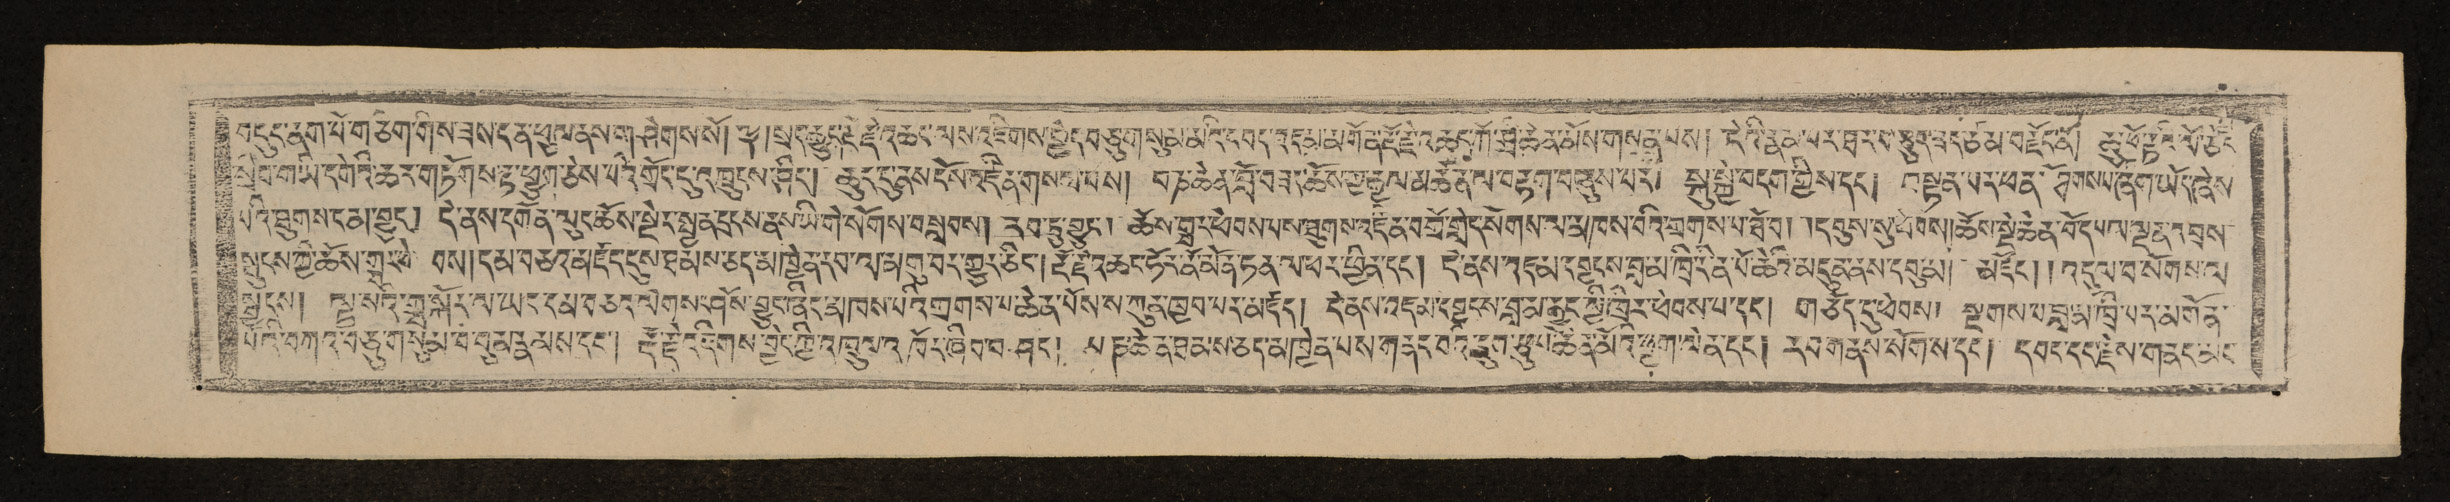བདུད་ནག་པོ་གཅིག་གིས་ཟས་ངན་ཕུལ་ནས་གཤེགས་སོ། ༈ །སྲད་རྒྱུད་རྡོ་རྗེ་འཆང་ལས་འཇིགས་བྱེད་བཅུ་གསུམ་མའི་དབང་འཇམ་མགོན་རྡོ་རྗེ་འཆང་ཀོ་ཤྲི་ཆེན་མོས་གསན་པས། དེའི་རྣམ་པར་ཐར་པ་ཅུང་ཟད་ཙམ་བརྗོད་ན། ཆུ་ཕོ་རྟའི་ལོ་ཙོང་
སྲིབ་གཡི་དགེའི་ཆར་གཏོགས་རྟ་ཕྱུག་ཅེས་པའི་གྲོང་དུ་འཁྲུངས་ཤིང་། ཆུང་དུ་ནས་ངོས་འཛིན་གསལ་པས། པཎ་ཆེན་བློ་བཟང་ཆོས་ཀྱི་རྒྱལ་མཚན་ལ་བརྟག་པ་ཞུས་པར། སྐུ་སྐྱེ་བདག་གྱིས་དང་། བསྟན་པར་ཕན་ཐོགས་པ་ཞིག་ཡོང་ཞེས་
པའི་ཐུགས་དམ་བྱུང་། དེ་ནས་དགོན་ལུང་ཆོས་སྡེར་སྤྱན་དྲངས་ནས་ཡི་གེ་སོགས་བསླབས། རབ་ཏུ་བྱུང་། ཆོས་གྲྭར་ཕེབས་པས་ཐུགས་འཛིན་བགྲོ་གླེང་སོགས་ལ་མཁས་པའི་གྲགས་པ་ཐོབ། དབུས་སུ་ཕེབས། ཆོས་སྡེ་ཆེན་པོ་དཔལ་ལྡན་འབྲས་
སྤུངས་ཀྱི་ཆོས་གྲྭར་ཕེབས། དམ་བཅའ་མཛད་དུས་ཐམས་ཅད་མཁྱེན་རབ་ལ་མགུ་བར་གྱུར་ཅིང་། རྡོ་རྗེ་འཆང་ཧོར་ནོ་མོན་ཧན་ལ་ཕར་ཕྱིན་དང་། དེ་ནས་འཇམ་དབྱངས་བླ་མ་ཁྲི་རིན་པོ་ཆེའི་མདུན་ནས་དབུ་མ། མཛོད། འདུལ་བ་སོགས་ལ་
སྦྱངས། ལྷ་སའི་གྲྭ་སྐོར་ལ་ཡང་དམ་བཅའ་ལེགས་ཤོས་བྱུང་ཞིང་མཁས་པའི་གྲགས་པ་ཆེན་པོས་ས་ཀུན་ཁྱབ་པར་མཛད། དེ་ནས་འཇམ་དབྱངས་བླ་མ་རྒྱུད་ཀྱི་ཁྲིར་ཕེབས་པ་དང་། གཙང་དུ་ཕེབས། སྔགས་པ་བླ་མ་ཁྲི་བར་མགོན་
པོའི་བཀའ་བཅུ་གསུམ་བེ་བུམ་རྣམས་དང་། རྡོ་རྗེ་འཇིགས་བྱེད་ཀྱི་འཁྲུལ་འཁོར་ཞིབ་བཤད། པཎ་ཆེན་ཐམས་ཅད་མཁྱེན་པས་གནང་བའི་དྲུག་ཅུ་པ་ཆེན་མོའི་ཕྱག་ལེན་དང་། རབ་གནས་སོགས་དང་། དབང་དང་རྗེས་གནང་མང་